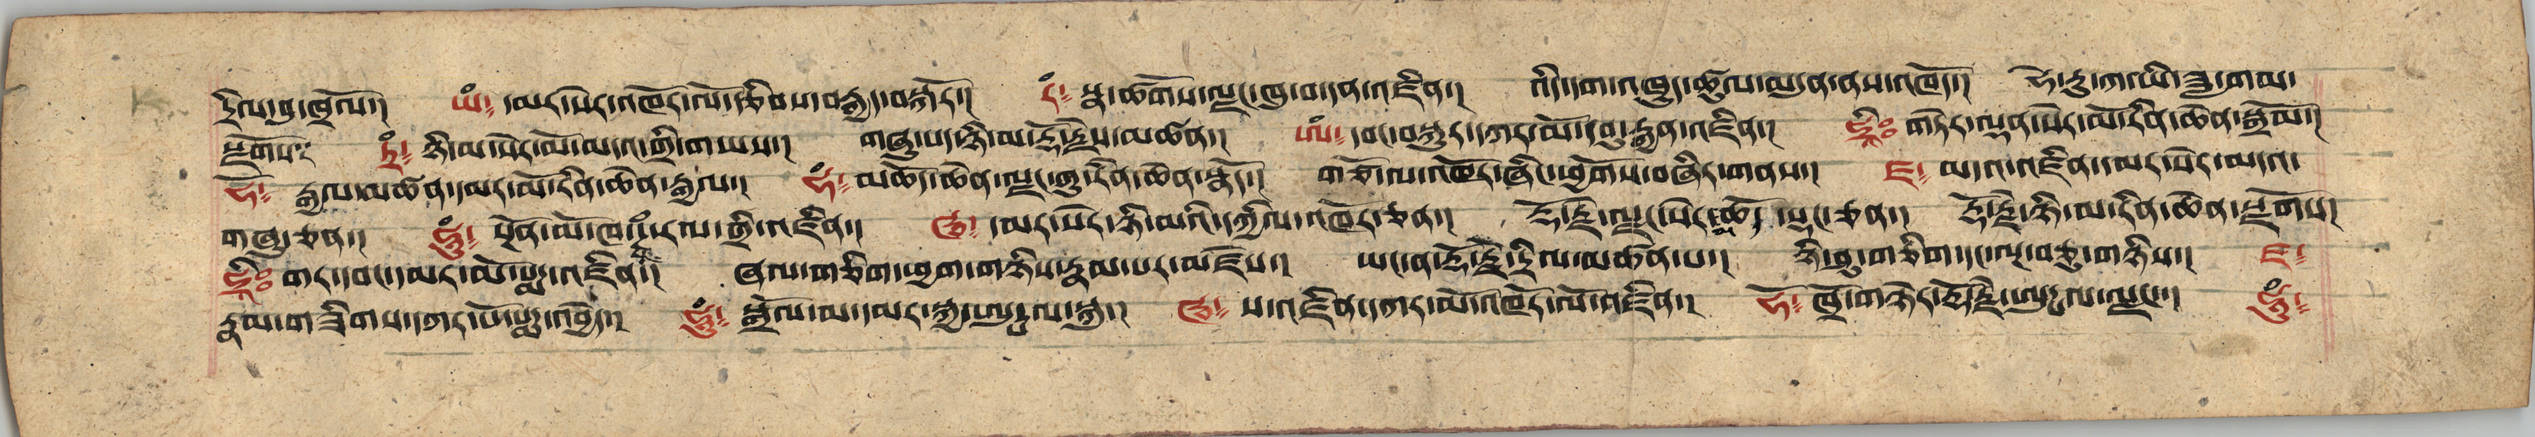དྲིལ་བུ་ཁྲོལ་། ཡཾ༴ དམར་སེར་འཁོར་ལོ་རྩིབས་བརྒྱད་བསྐོར་། རཾ༴ སྣ་ཚོགས་ལྗང་ཁུ་བ་དན་འཛིན་། འདི་དག་འཁྱུད་ཚུལ་མདུན་ནས་འཁོད་། ཧེ་རུ་ཀ་ཡི་ཟླ་གམ་
སྫོགས༑ ཏྲཾ༴ ཉི་མ་སེར་མོ་མདའ་གྲི་གཡས་། གཞུ་པད་ཉི་མ་རྡོ་རྗེས་མཚན་། ཨཾ༴ དབང་བསྐུར་དཀར་མོ་དབུ་རྒྱན་འཛིན་། ཧྲཱིཿ གཏེར་ལྡན་སེར་མོ་རིན་ཆེན་སྒྲོམ་།
ཧོ༴ རྒྱལ་མཚན་དམར་མོ་རིན་ཆེན་རྒྱལ་། ཧཾ༴མཆོད་ཆེན་ལྗང་གུ་རིན་ཆེན་སྣོད་། གཙོ་ལ་འཁོར་ཞིང་ཕྱོགས་བཞིར་གནས་། ཛ༴མདའ་འཛིན་དམར་སེར་མདའ་
གཞུ་ཅན་། ཧཱུཾ༴ སྔོན་མོ་ཁ་ཌྭཾ་རལ་གྲི་འཛིན་། ཝ༴ དམར་སེར་ཉི་མའི་དཀྱིལ་འཁོར་ཅན་། རྡོ་རྗེ་ལྗང་སེར་མཆོད་སྡང་ཅན་། རྡོ་རྗེ་ཉི་མ་རིན་ཆེན་སྫོགས།
ཧྲཱིཿ གར་དབང་དམར་མོ་པདྨ་འཛིན་། ཞལ་གཅིག་ཕྱག་གཉིས་རྣམ་པར་མཛེས་། ཡང་ན་རྡོ་རྗེ་དྲིལ་མཚན་པ་། ཉི་ཤུ་གཅིག་དང་ལྔ་བཅུ་གཉིས་། ཛ་
རྣམ་གཟིགས་དཀར་པོ་པདྨ་འབྱེད་། ཧཱུཾ༴སྒྲོལ་མ་དམར་སྐྱ་ཨུཏྤལ་སྐུ་། ཝ༴ ས་འཛིན་དཀར་མོ་འཁོར་ལོ་འཛིན་། ཧོ༴ཁྲོ་གཉེར་རྡོ་རྗེ་ཨུཏྤལ་ལྗང་་།། ཧཱུཾ༴